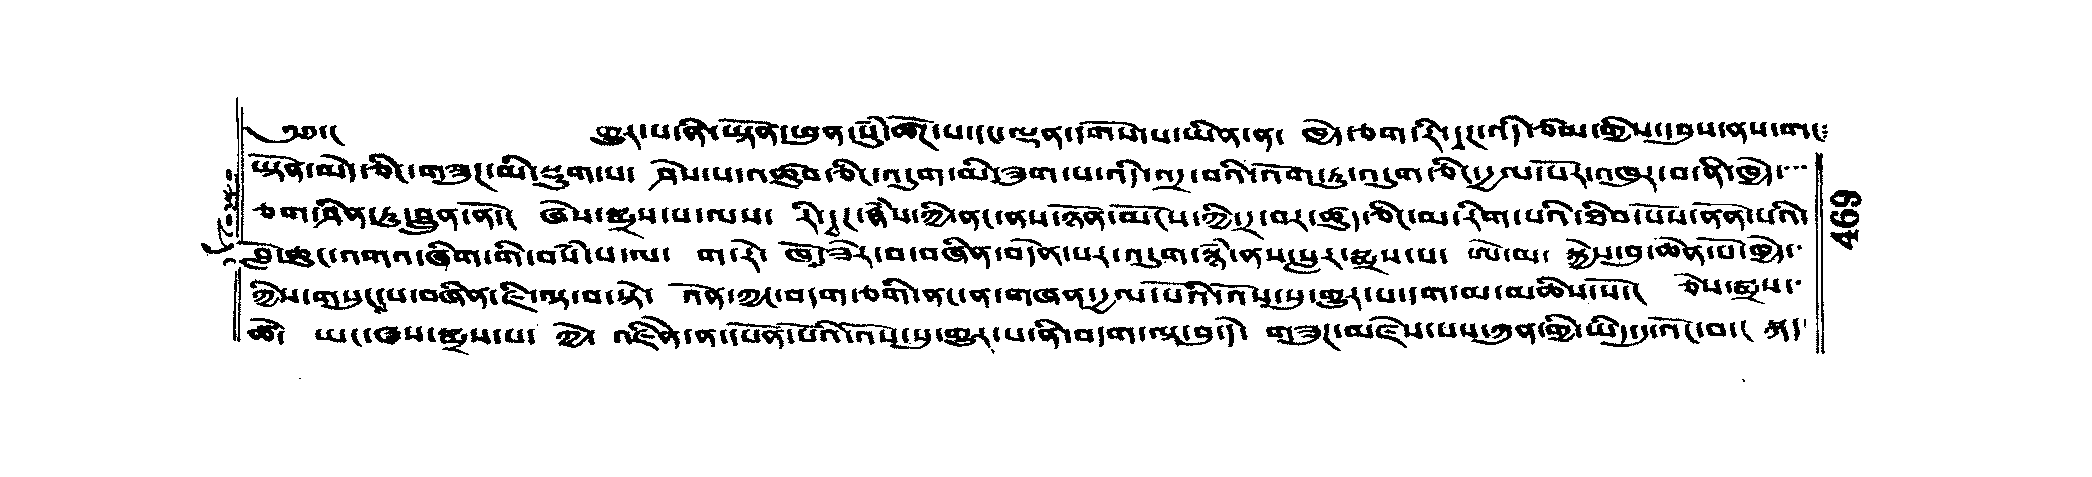གྱུར་པ་ནི་ཡོན་ཏན་ཕུན་སུམ་ཚོགས་པ་དང་ལྡན་དགོས་པ་ཡིན་ན། ཁྱེད་ཅག་རི་དྭགས་འདི་ཙམ་གྱིས་དབུས་ནས་གང་
ཡོན་ཏན་མེད་ཅིང་གཟུགས་མི་སྡུག་པ། ཤེས་པ་འཚུབ་ཅིང་འདུག་མི་ཚུགས་པ་འདི་འདྲ་བའི་འོག་ཏུ་འདུག་ཅིང་རྒྱལ་པོར་འཁུར་བ་ནི་ཁྱེད་
ཅག་ཤིན་ཏུ་བླུན་ནོ།ཞེས་སྨྲས་པ་ལས། རི་དྭགས་རྣམས་ཀྱི་ནང་ནས་ཉོན་མོངས་ཀྱི་དྲྭ་བར་ཚུད་ཅིང་མ་རིག་པ་ཐིབ་པོས་ནོན་པའི་
བློ་ཆུང་འགའ་ཞིག་གི་བསམ་པ་ལ། ག་རེ། ཁོས་ཟེར་བ་བཞིན་བདེན་པར་འདུག་སྙམ་ནས་སླར་སྨྲས་པ། ཨེ་མ། སྐྱེས་བུ་ཆེན་པོ་ཁྱོད་
ཀྱིས་གསུངས་པ་བཞིན་ཇི་ལྟ་བ་སྟེ། འོན་ཀྱང་བདག་ཅིག་གི་ནང་ན་གཞན་རྒྱལ་པོའི་འོས་སུ་གྱུར་པ་དག་མ་མཆིས་སོ། ཞེས་སྨྲས་
ཚེ། ཡང་ཝས་སྨྲས་པ། ཀྱེ། འཇིག་རྟེན་ན་དཔོན་པོའི་འོས་སུ་གྱུར་པ་ནི་བདག་ལྟ་བུ་དེ། གཟུགས་མཛེས་པས་ཀུན་གྱི་ཡིད་དུ་འོང་བ། སྐད་